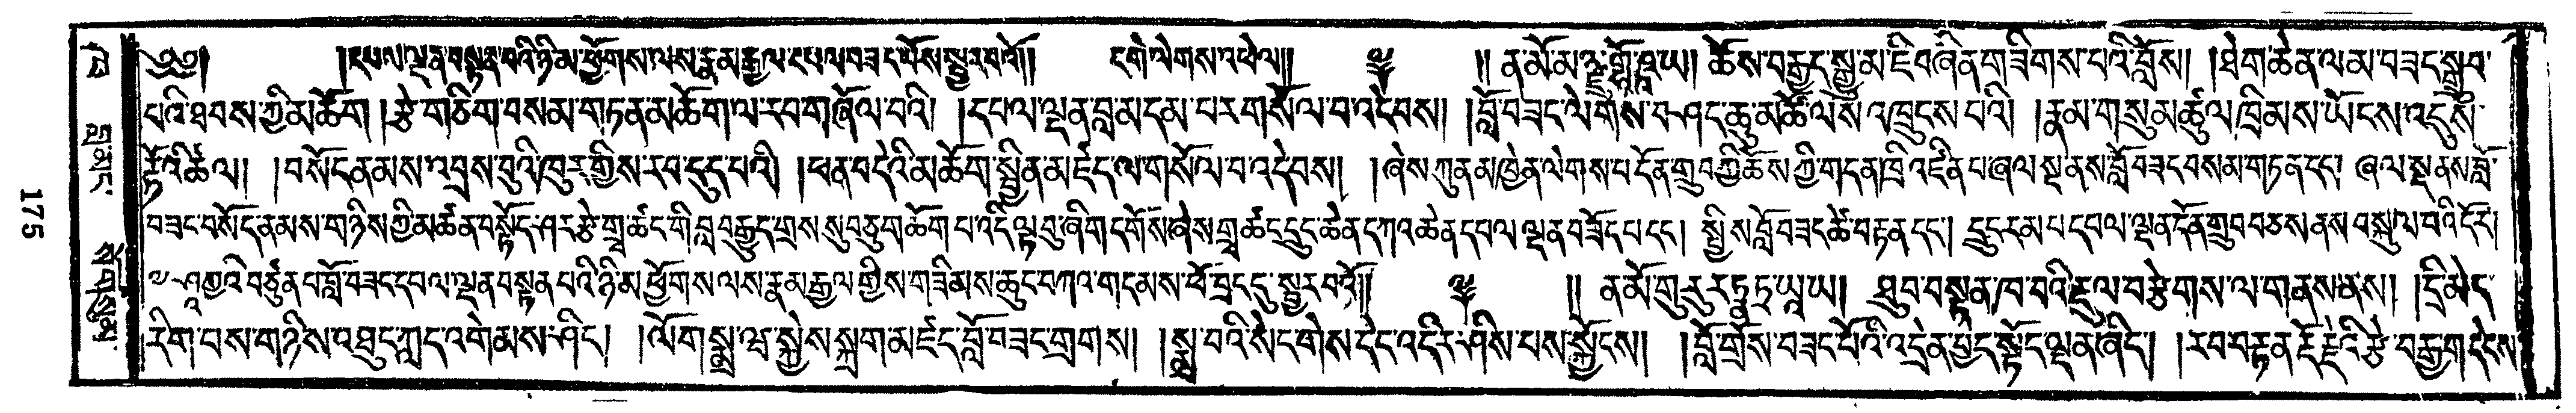༄༅། །དཔལ་ལྡན་བསྟན་བའི་ཉི་མ་ཕྱོགས་ལས་རྣམ་རྒྱལ་དཔལ་བཟང་པོས་སྦྱར་བའོ།། དགེ་ལེགས་འཕེལ།། ༈ །།ན་མོ་མཉྫུ་གྷོ་ཥཱ་ཡ། ཆོས་བརྒྱད་སྒྱུ་མ་ཇི་བཞིན་གཟིགས་པའི་བློས། །ཐེག་ཆེན་ལམ་བཟང་སྒྲུབ་
པའི་ཐབས་ཀྱི་མཆོག །རྩེ་གཅིག་བསམ་གཏན་མཆོག་ལ་རབ་གཞོལ་བའི། །དཔལ་ལྡན་བླ་མ་དམ་པར་གསོལ་བ་འདེབས། །བློ་བཟང་ལེགས་བཤད་ཆུ་མཚོ་ལས་འཁྲུངས་པའི། །རྣམ་གསུམ་ཚུལ་ཁྲིམས་ཡོངས་འདུས་
རྟོའི་ཚལ། །བསོད་ནམས་འབྲས་བུའི་ཁུར་གྱིས་རབ་དུད་པའི། །ཕན་བདེའི་མཆོག་སྦྱིན་མཛད་ལ་གསོལ་བ་འདེབས། །ཞེས་ཀུན་མཁྱེན་ལེགས་པ་དོན་གྲུབ་ཀྱི་ཆོས་ཀྱི་གདན་ཁྲི་འཛིན་པ་ཞལ་སྔ་ནས་བློ་བཟང་བསམ་གཏན་དང་། ཞལ་སྡ་ནས་བློ་
བཟང་བསོད་ནམས་གཉིས་ཀྱི་མཚན་བསྟོད་ཤར་རྩེ་གྲྭ་ཚང་གི་བླ་བརྒྱུད་གྲས་སུ་བཅུག་ཆོག་པ་འདི་ལྟ་བུ་ཞིག་དགོས་ཞེས་གྲྭ་ཚང་དྲུང་ཆེན་དཀའ་ཆེན་དཔལ་ལྡན་བཟོད་པ་དང་། སྤྱི་ས་བློ་བཟང་ཚེ་བརྟན་དང་། དྲུང་རམ་པ་དཔལ་ལྡན་དོན་གྲུབ་བཅས་ནས་བསྐུལ་བའི་དོར།
༧་ཤཱཀྱའི་བཙུན་པ་བློ་བཟང་དཔལ་ལྡན་བསྟན་པའི་ཉི་མ་ཕྱོགས་ལས་རྣམ་རྒྱལ་གྱིས་གཟིམས་ཆུང་བཀའ་གདམས་ཕོ་བྲང་དུ་སྦྱར་བའོ།། ༈ །།ན་མོ་གུ་རུ་རཏྣ་ཏྲ་ཡཱ་ཡ། ཐུབ་བསྟན་ཁ་བའི་རྡུལ་བརྩེགས་ལ་གནས་ནས། །དྲི་མེད་
རིག་པས་གཉིས་འཐུང་ཀླད་འགེམས་ཤིང་། །ལོག་སྨྲ་ཝ་སྐྱེས་སྐྲག་མཛད་བློ་བཟང་གྲགས། །སྨྲ་བའི་སེང་གེས་དེང་འདིར་ཤིས་པས་སྐྱོངས། །བློ་གྲོས་བཟང་པོའི་འདྲེན་བྱད་སྟོད་ལྡན་ཞིང་། །རབ་བརྟན་རྡོ་རྗེའི་རྩེ་བརྒྱ་གདེངས་